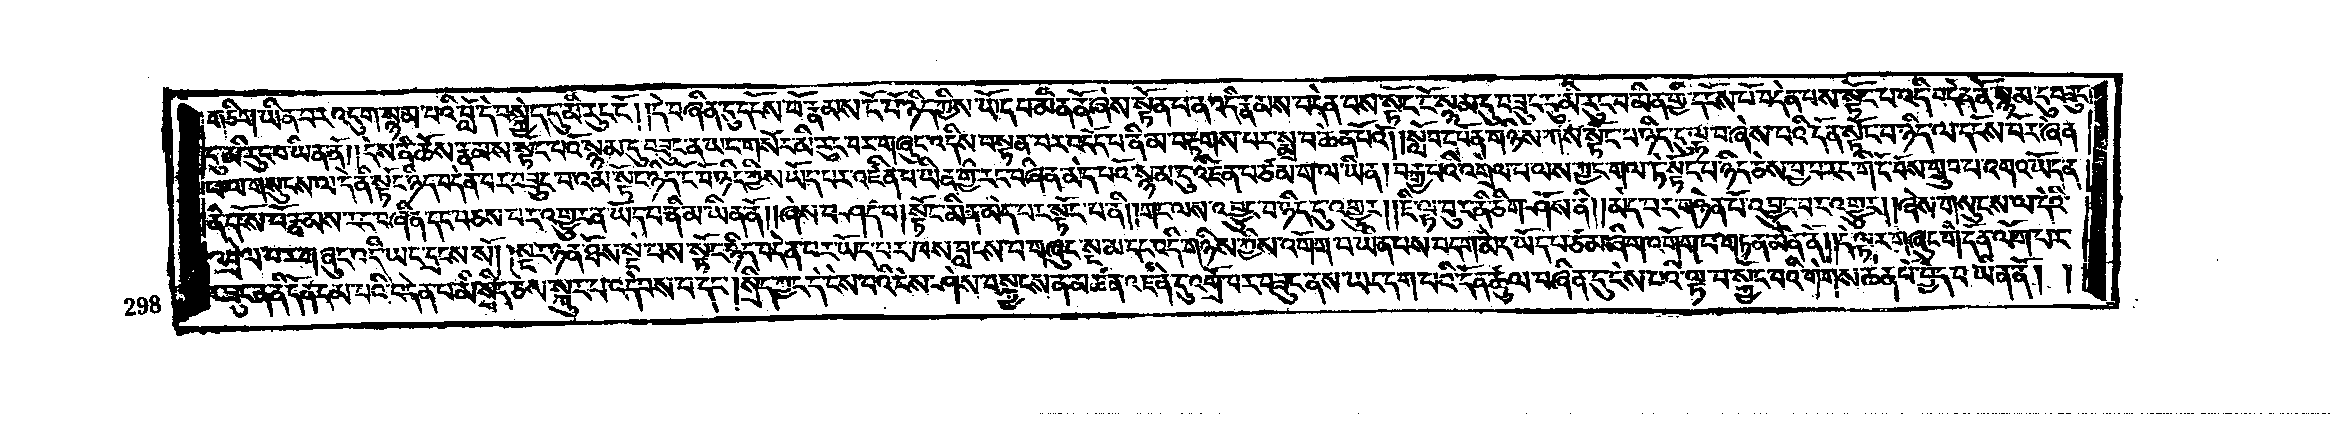གཅིག་ཡིན་པར་འདུག་སྙམ་པའི་བློ་དེ་བསྐྱེད་དུ་མི་རུང་ངོ། དེ་བཞིན་དུ་དངོས་པོ་རྣམས་ངོ་བོ་ཉིད་ཀྱིས་ཡོད་པ་མིན་ནོ་ཞེས་སྟོན་པ་ན་འདི་རྣམས་བདེན་པས་སྟོང་ངོ་སྙམ་དུ་བཟུང་དུ་མི་རུང་བ་མིན་གྱི་དངོས་པོ་བདེན་པས་སྟོང་པ་འདི་བདེན་ནོ་སྙམ་དུ་བཟུང་
དུ་མི་རུང་བ་ཡིན་ནོ། །དེས་ན་ཆོས་རྣམས་སྟོང་པའི་སྙམ་དུ་བཟུང་ན་ཡང་གསོར་མི་རུང་བར་གཞུང་འདིས་བསྟན་པར་འདོད་པ་ནི་མ་བརྟགས་པར་སྨྲ་བ་ཆེན་པོའོ། །སློབ་དཔོན་གཉིས་ཀས་སྟོང་པ་ཉིད་དེ་ལྟ་བ་ཞེས་པའི་དོན་སྟོང་པ་ཉིད་ལ་དངོས་པོར་ཞེན་
པ་ལ་གསུངས་ལ་ད་ནི་སྟོང་ཉིད་བདེན་པར་བཟུང་བ་འམ་སྟོང་ཉིད་ངོ་བོ་ཉིད་ཀྱིས་ཡོད་པར་འཛིན་པ་ཡིན་གྱི་རང་བཞིན་མེད་པའོ་སྙམ་དུ་འཛིན་པ་ཙམ་ག་ལ་ཡིན། བརྒྱ་པའི་འགྲེལ་པ་ལས་ཀྱང་གལ་ཏེ་སྟོང་པ་ཉིད་ཅེས་བྱ་བ་རང་གི་ངོ་བོས་གྲུབ་པ་འགང་ཡོད་ན་
ནི་དངོས་པོ་རྣམས་རང་བཞིན་དང་བཅས་པར་འགྱུར་ན་ཡོད་པ་ནི་མ་ཡིན་ནོ། །ཞེས་བཤད་པ། སྟང་མིན་མེད་པར་སྟོང་པ་ནི། །གང་ལས་འབྱུང་བ་ཉིད་དུ་འགྱུར། །ཇི་ལྟ་བུར་ནི་ཅིག་ཤོས་ནི། །མེད་པར་གཉེན་པོ་འབྱུང་བར་འགྱུར། །ཞེས་གསུངས་ལ་དེའི་
འགྲེལ་བར་གཞུང་འདི་ཡང་དྲངས་སོ། །སྔར་ཉན་ཐོས་སྡེ་པས་སྟོང་ཉིད་བདེན་པར་ཡོད་པར་ཁས་བླངས་པ་གཞུང་སྔ་མ་དང་འདི་གཉིས་ཀྱིས་འགོག་པ་ཡིན་པས་བདག་མེད་ཡོད་པ་ཙམ་ཞིག་འགོག་པ་གཏན་མིན་ནོ། །དེ་ལྟར་གཞུང་གི་དོན་ལོག་པར་
བཟུང་ན་ནི་དོན་དམ་པའི་བདེན་པ་མི་སྲིད་ཅེས་སྐུར་པ་འདེབས་པ་དང་། སྲིད་ཀྱང་དེ་ངེས་པའི་ངེས་ཤེས་བསྐྱངས་ན་མཚན་འཛིན་དུ་འགྲོ་བར་བཟུང་ནས་ཡང་དག་པའི་དོན་ཚུལ་བཞིན་དུ་ངེས་པའི་ལྟ་བ་སྐྱོང་བའི་གེགས་ཆེན་པོ་བྱེད་པ་ཡིན་ནོ། །